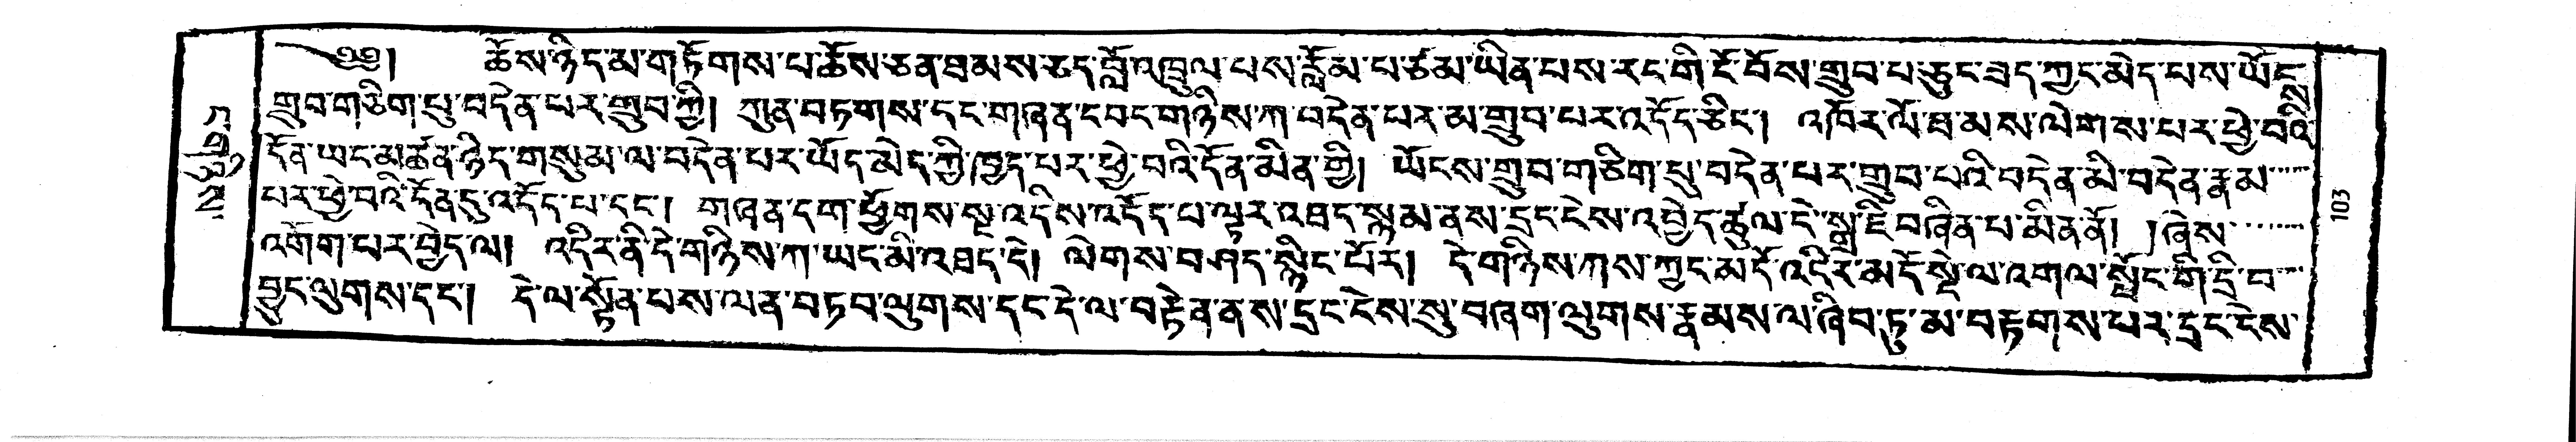༄༅། །ཆོས་ཉིད་མ་གཏོགས་པ་ཆོས་ཅན་ཐམས་ཅད་བློ་འཁྲུལ་པས་རློམ་པ་ཙམ་ཡིན་པས་རང་གི་ངོ་བོས་གྲུབ་པ་ཅུང་ཟད་ཀྱང་མེད་པས་ཡོངས་
གྲུབ་གཅིག་པུ་བདེན་པར་གྲུབ་ཀྱི། ཀུན་བཏགས་དང་གཞན་དབང་གཉིས་ཀ་བདེན་པར་མ་གྲུབ་པར་འདོད་ཅིང་། འཁོར་ལོ་ཐ་མས་ལེགས་པར་ཕྱེ་བའི་
དོན་ཡང་མཚན་ཉིད་གསུམ་ལ་བདེན་པར་ཡོད་མེད་ཀྱི་ཁྱད་པར་ཕྱེ་བའི་དོན་མིན་གྱི། ཡོངས་གྲུབ་གཅིག་པུ་བདེན་པར་གྲུབ་པའི་བདེན་མི་བདེན་རྣམ་
པར་ཕྱེ་བའི་དོན་དུ་འདོད་པ་དང་། གཞན་དག་ཕྱོགས་སྔ་འདིས་འདོད་པ་ལྟར་འཐད་སྙམ་ནས་དྲང་ངེས་འབྱེད་ཚུལ་དེ་སྒྲ་ཇི་བཞིན་པ་མིན་ནོ། །ཞེས་
འགོག་པར་བྱེད་ལ། འདིར་ནི་དེ་གཉིས་ཀ་ཡང་མི་འཐད་དེ། ལེགས་བཤད་སྙིང་པོར། དེ་གཉིས་ཀས་ཀྱང་མདོ་འདིར་མདོ་སྡེ་ལ་འགལ་སྤོང་གི་དྲི་བ་
བྱུང་ལུགས་དང་། དེ་ལ་སྟོན་པས་ལན་བཏབ་ལུགས་དང་དེ་ལ་བརྟེན་ནས་དྲང་ངེས་སུ་བཞག་ལུགས་རྣམས་ལ་ཞིབ་ཏུ་མ་བརྟགས་པར་དྲང་ངེས་